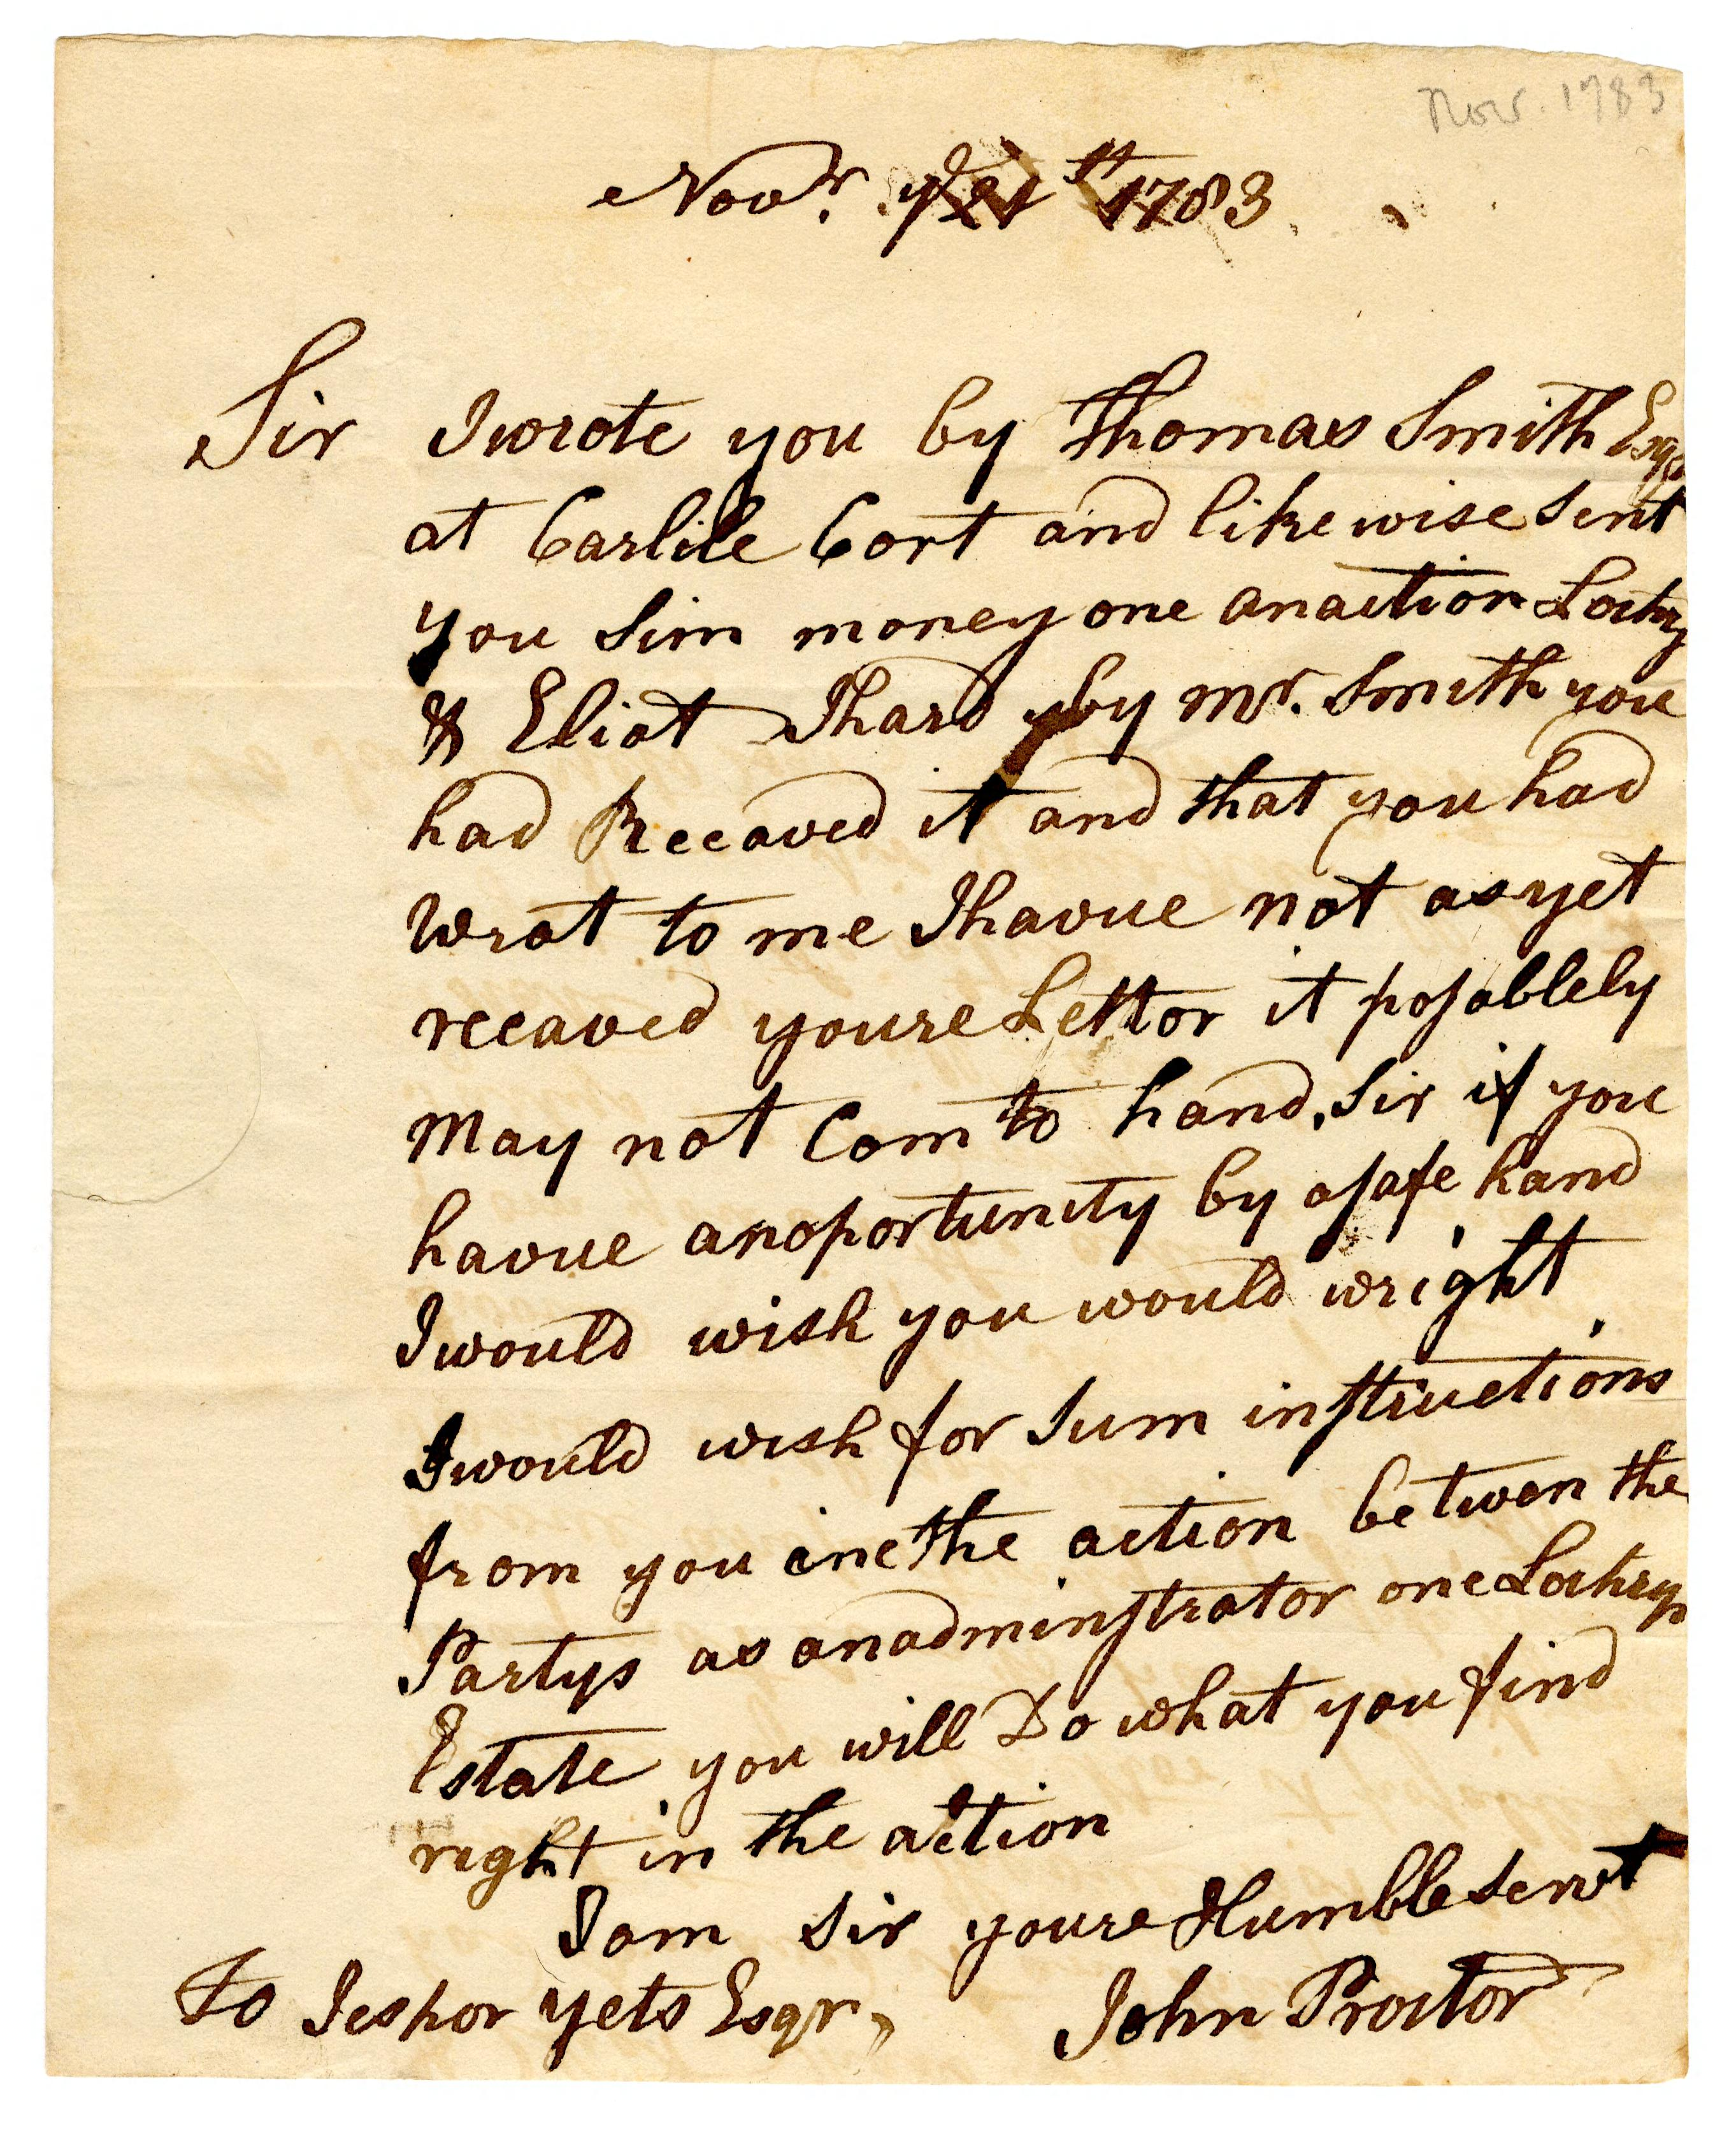Nov^r y^e 21^st 1783
Sir
I wrote you by Thomas Smith Esq
at Carlile Cort and likewise sent
you Sim money one an action Lochry,
& Eliot Shard by M^r. Smith you
had Recaved it and that you had
wrot to me I havue not as yet
recaved youre Lettor it posablely
May not Com to hand, sir if you
havue an oportunity by a safe hand
I would wish you would wright
I would wish for sum instructions
from you ine the action betwen the
Partys as an adminstrator one Lochry
Estate you will Do what you find
right in the action
I am sir youre Humble serv^t
John Proctor
To Jespor yets Esqr